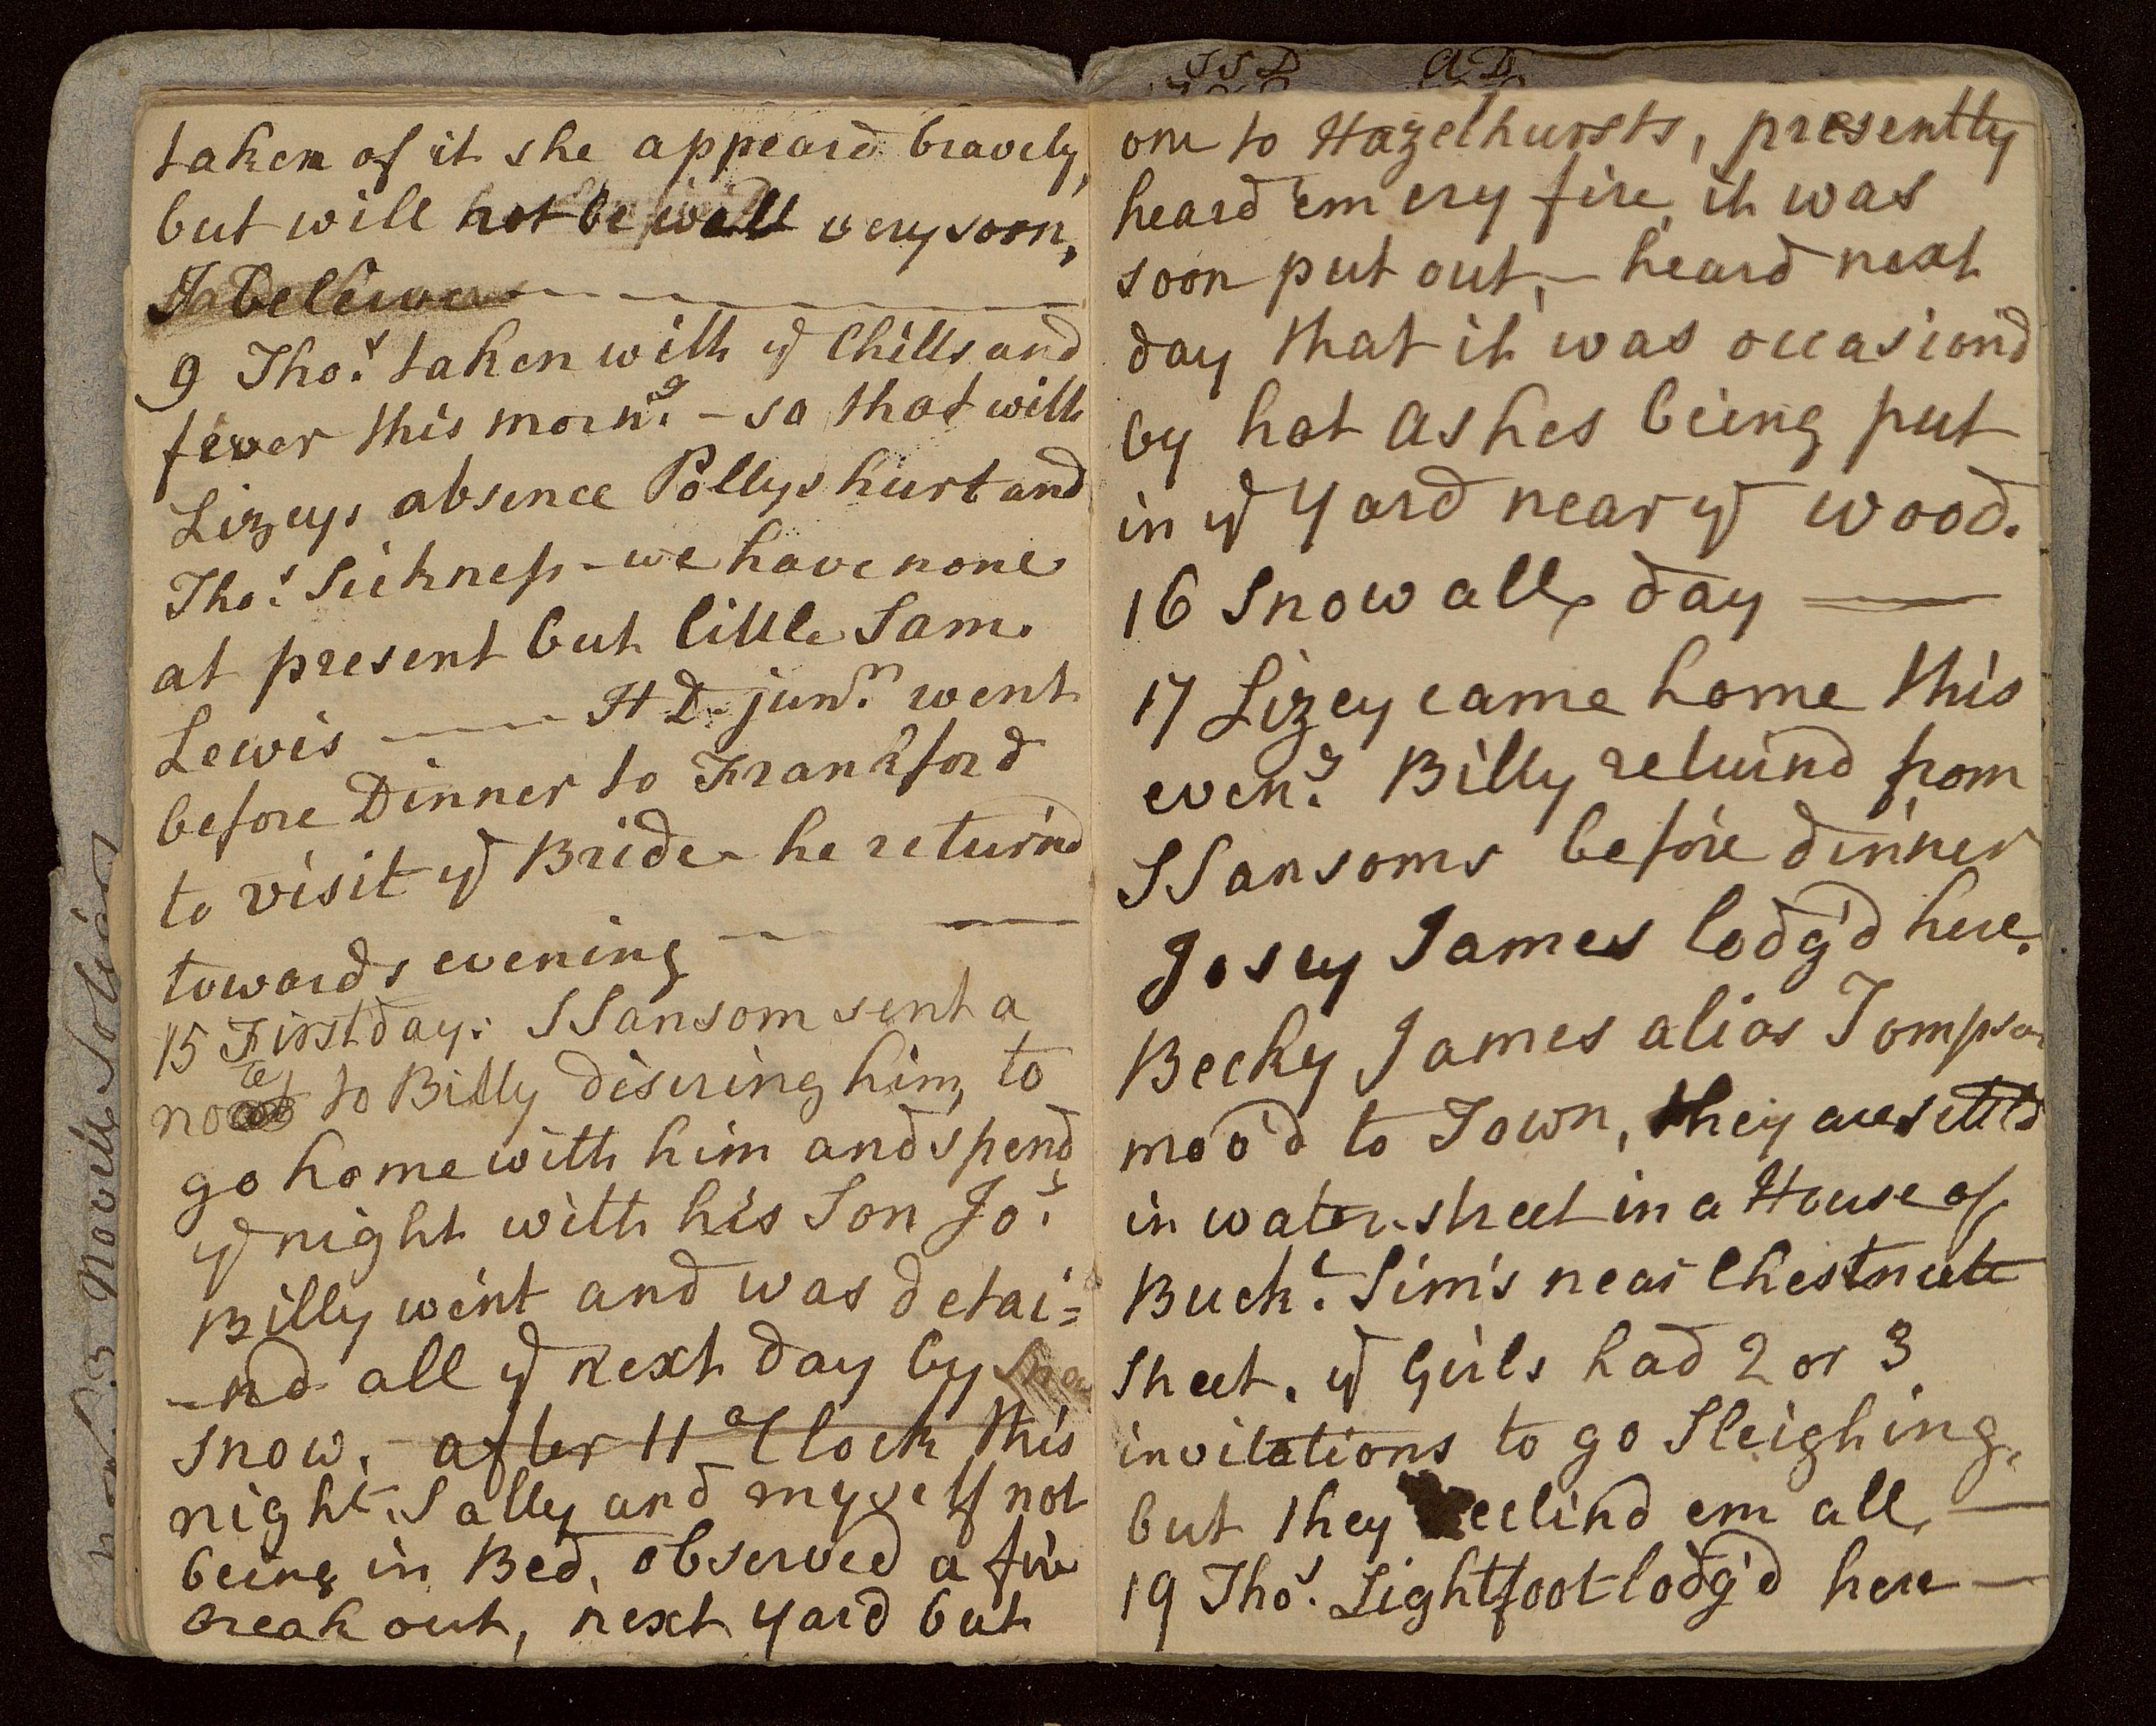taken of it she appeard bravely,
but will not be well very soon,
I beleive-
9 Tho^s. taken with y^e Chills and
fever this morn^g.- so that with
Lizeys absence Pollys hurt and
Tho^s. Sickness- we have none
at present but little Sam.
Lewis- HD jun^r. went
before Dinner to Frankford
to visit y^e Bride- he return'd
towards evening
15 First day: S Sansom sent a
te
no[xt] to Billy desiring him, to
go home with him and spend
y^e night with his Son Jo^y.
Billy went and was detai-
-nd all y^e next day by Snow
Snow, after 11 ^o Clock this
night, Sally and myself not
being in Bed, observed a fire
break out, next yard but
one to Hazelhursts, presently
heard Em cry fire, it was
soon put out,- heard next
day that it was occasion'd
by hat ashes being put
in y^e Yard near y^e wood.
16 Snow all day
17 Lizey came home this
even^g. Billy returnd from
S Sansoms before dinner
Josey James lodg'd here.
Becky James alias Tompson
mov'd to Town, they are settld
in water-street in a House of
Buch^c. Sim's near Chestnutt
Sheet, y^e Girls had 2 or 3
invitations to go Sleighing,
but they declind em all,-
19 Tho^s. Lightfoot-lodg'd here-